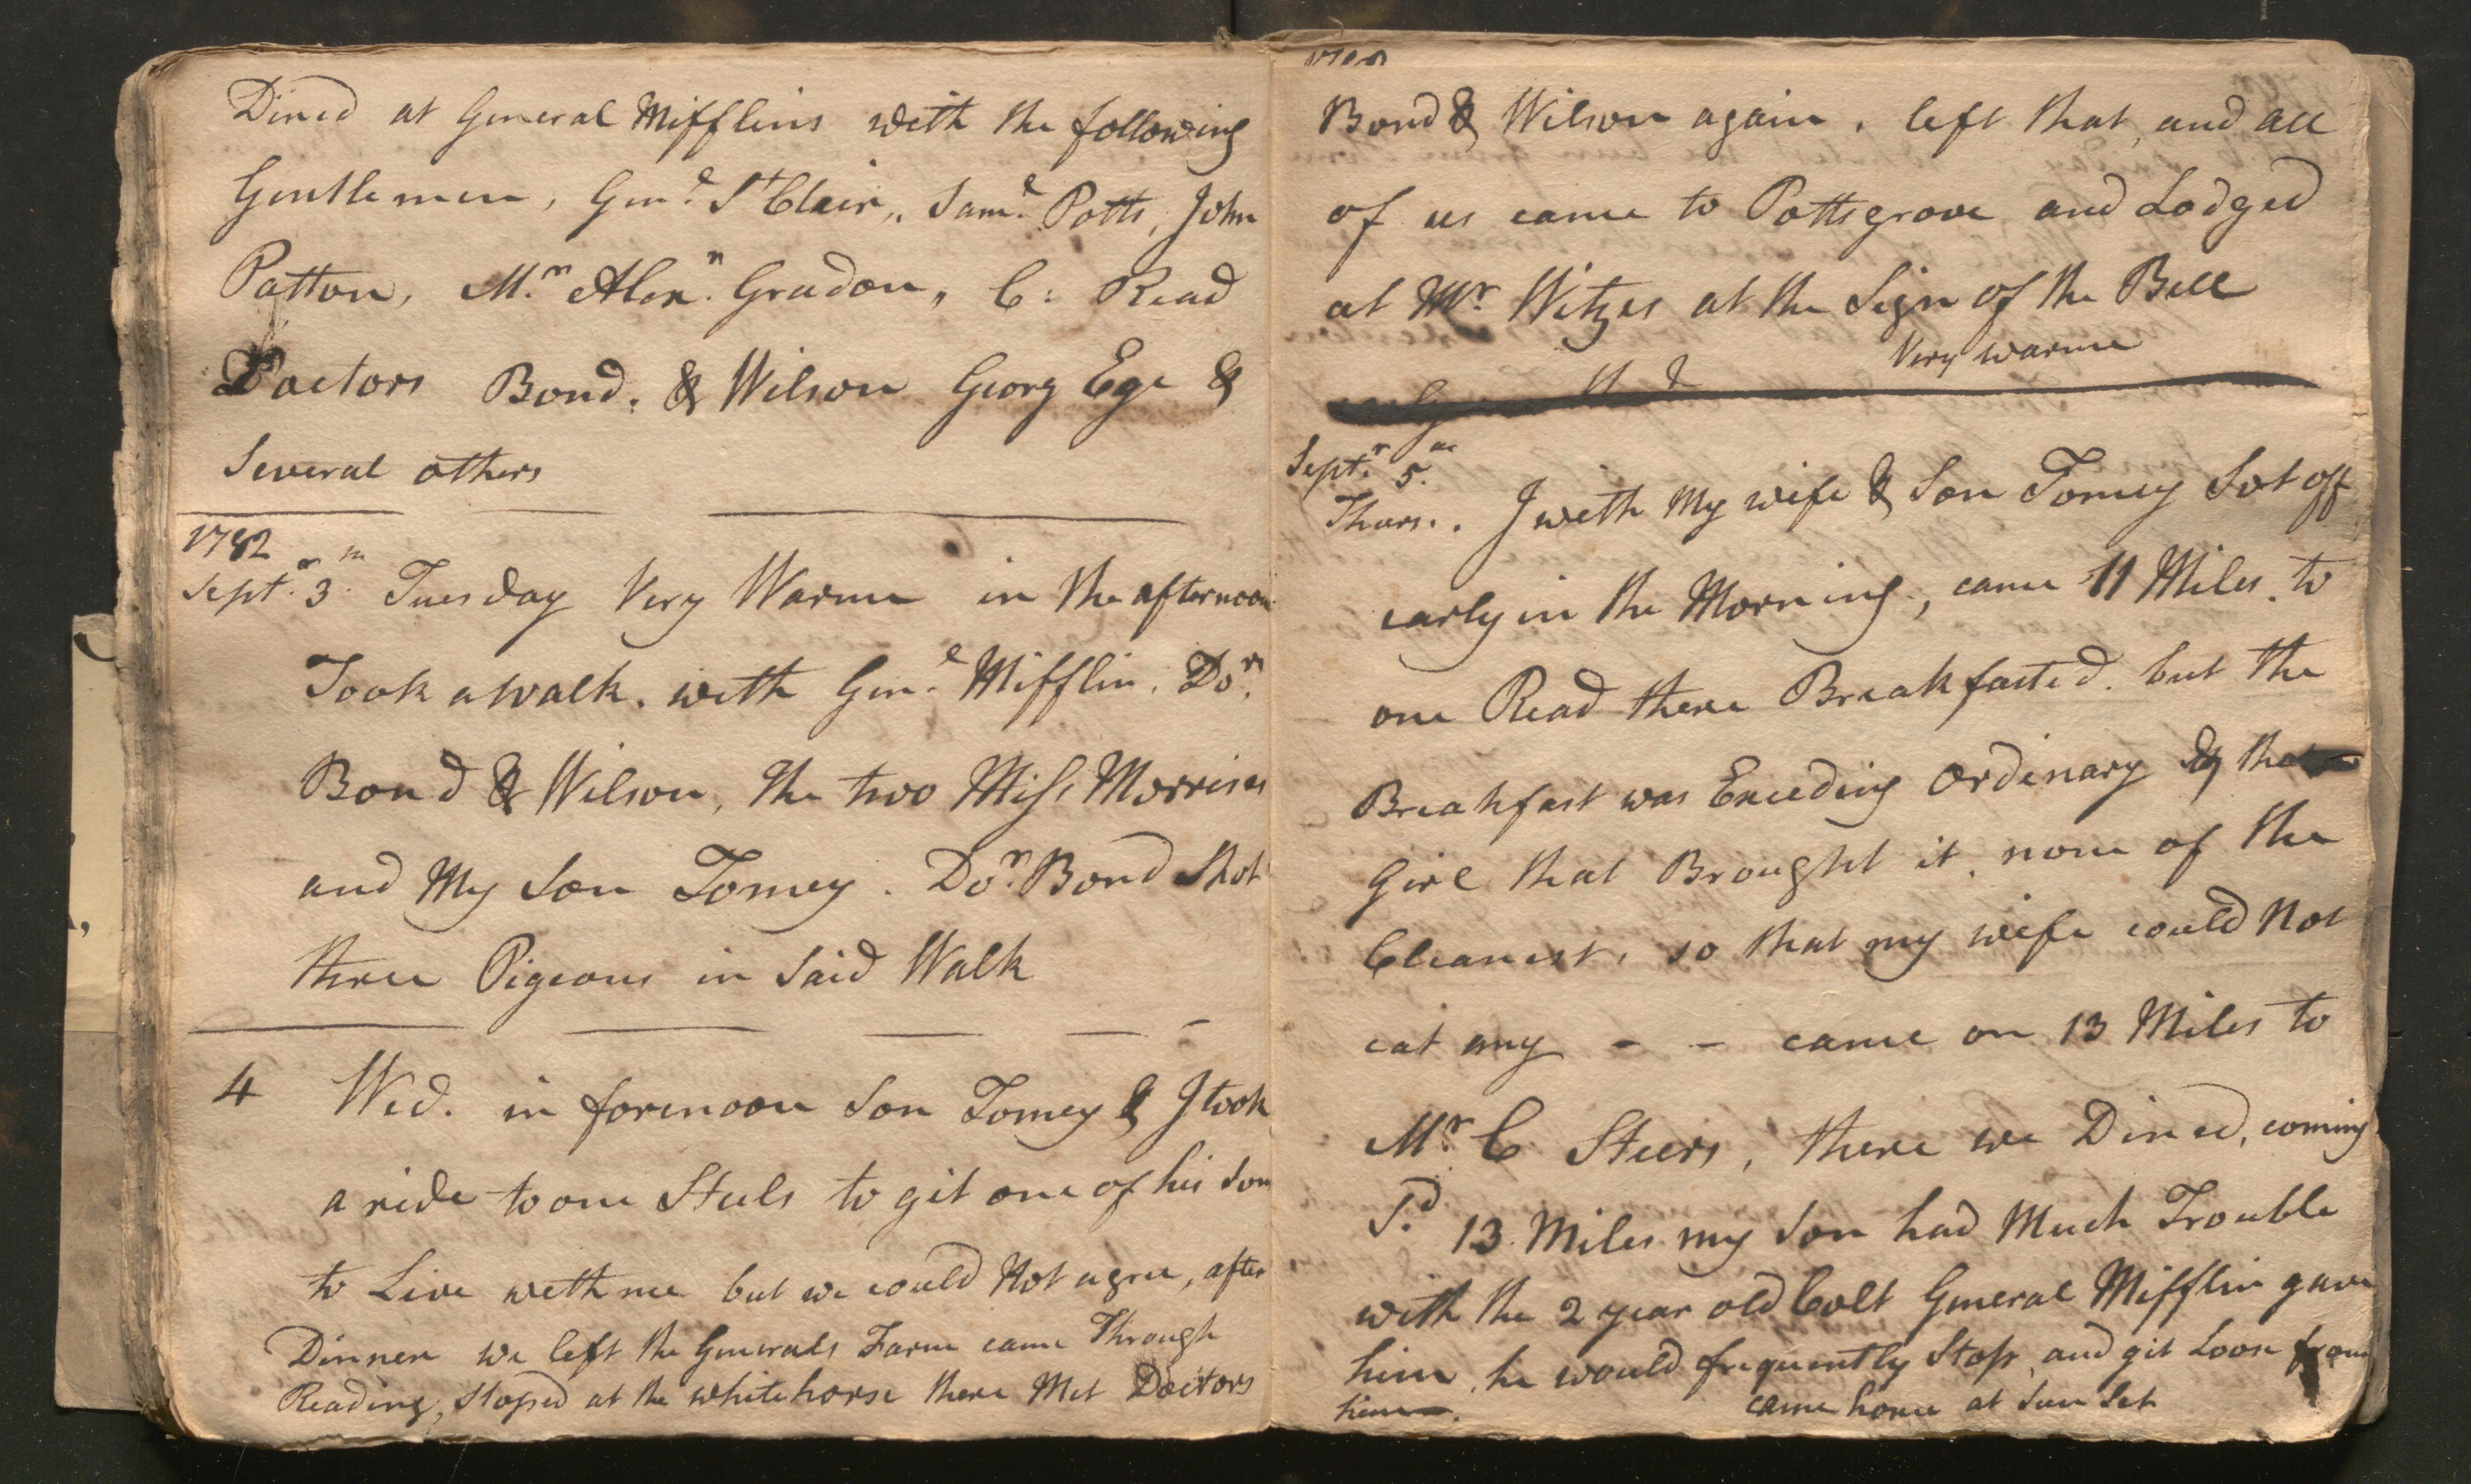Dined at General Mifflins with the following
Gentlemen, Gen^l. S^t Clair, Sam^l. Potts, John
Patton, M^r. Alex^r. Gradon, C. Read
Doctors Bond. & Wilson Georg Ege &
several others
1782
Sept^r. 3^th. Tuesday Very Warme in the afternoon
Took a walk. with Gen^l. Mifflin. Do^r.
Bond & Wilson, The two Miss Morrises
and My Son Tomey. Do^r. Bond Shot
three Pigeons in said Walk
4 Wed. in forenoon Son Tomey & I took
a ride to one Steels to git one of his son
to Live with me but we could Not agree, after
Dinner we left the Generals Farm came Through
Reading, Stoped at the whitchorse there Met Doctors
Bond & Wilson again. left that and all
of us came to Pottsgrove and Lodged
at M^r. Witzes at the sign of the Bell
Very warme
Sept^r. 5^th
Thurs. I with My wife & Son Tomey Set of
early in the Morning, came 11 Miles to
one Read there Breakfasted. but the
Breakfast was Exceding ordinary & tha
Girl that Brought it, none of the
Cleanest, so that my wife could Not
eat my-- came on 13 Miles to
M^r. C. Steers, there we Dined, coming
S^d. 13. Miles my son had Much Trouble
with the 2 year old Colt General Mifflin gave
him, he would frequently Stop, and git Loose from
him
came home at sun set